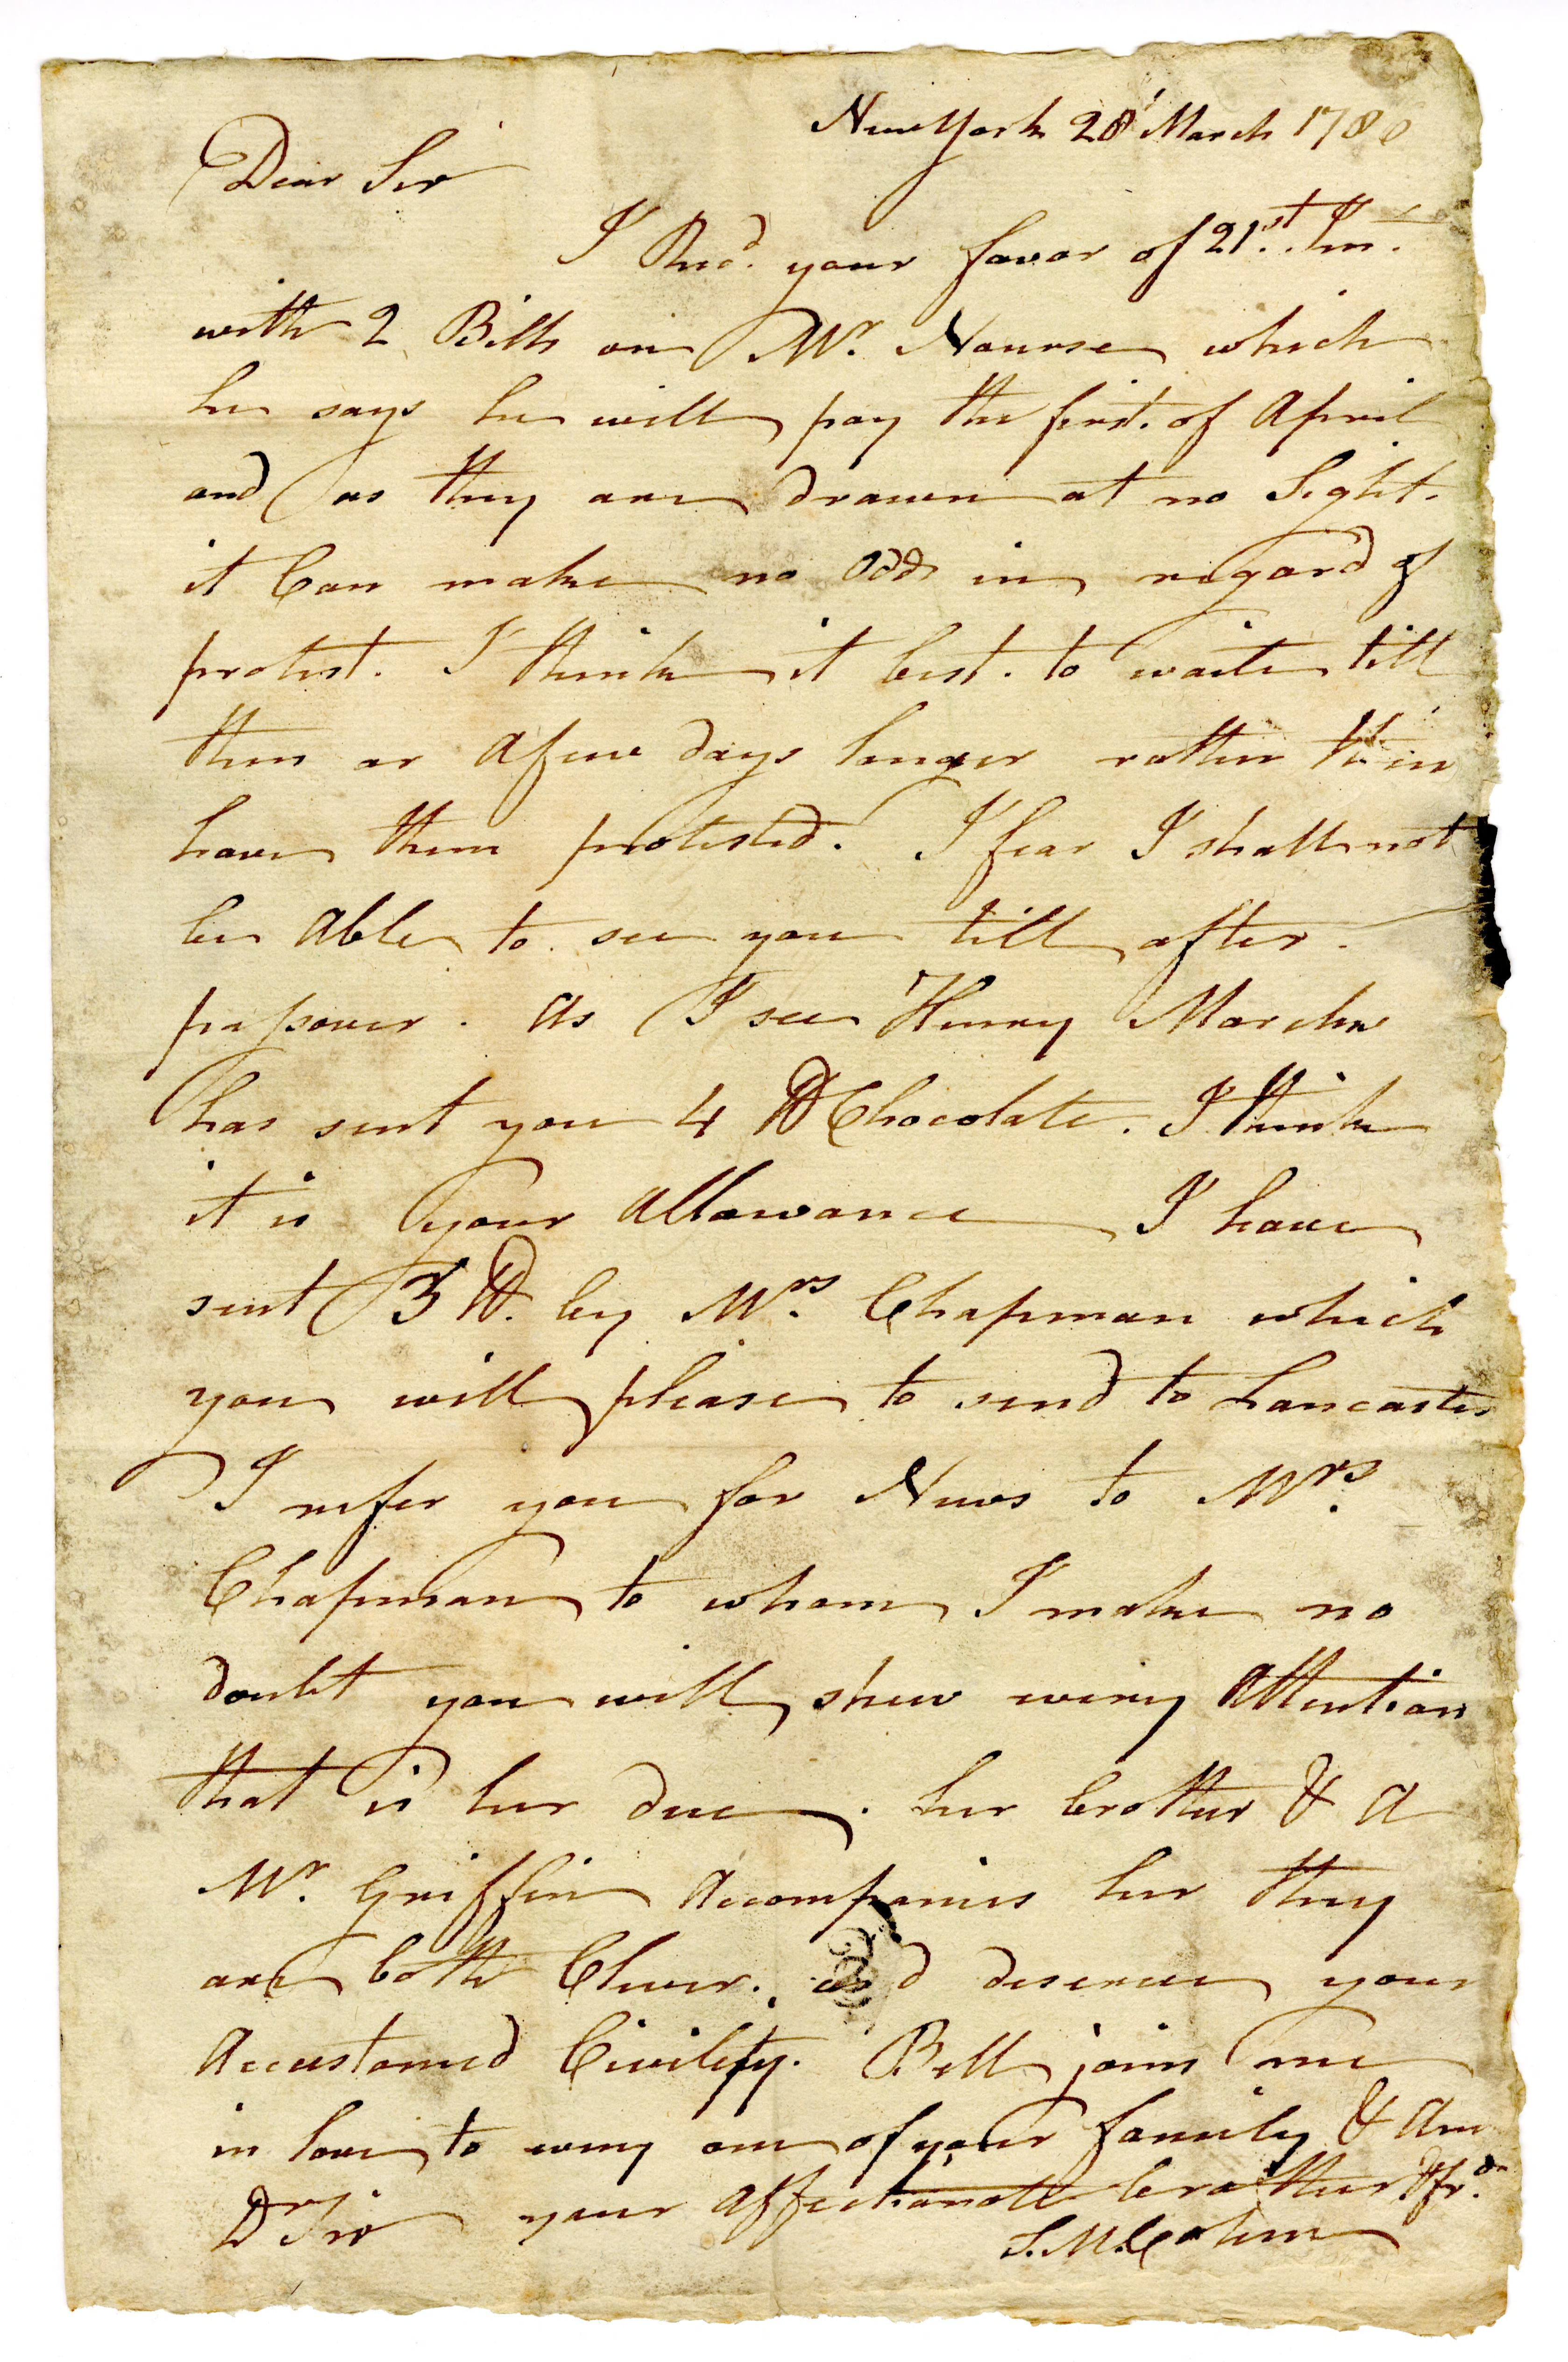New York 28^t March 1780
Dear Sir
I rec^d. your favor of 21^st. Ins^t.
with 2 Bills on M^r. Naurse which
he says he will pay the first of April
and as they are drawn at no Sight
it Can make no odds in regard of
protest. I think it best to wait till
then or A few days longer rather then
have them protested. I fear I shall not
be Able to see you till after.
passover. As I, see Henry Marchs
has sent you 4 lb Chocolate. I think
it is your Allowance- I have
sent 3 lb. by M^rs. Chapman which
you will please to send to Lancaster
I refer you for News to M^rs
Chapman to whom I make no
doubt you with shew every attention
that is her due: her brother & A
M^r. Griffin accompanies her they
are both Clever, and deserve your
Accustomed Civility. Bell joins me
in love to every one of your family & Am
D^r Sir
your affectionate brother & fr^d.
S. M. Cohen